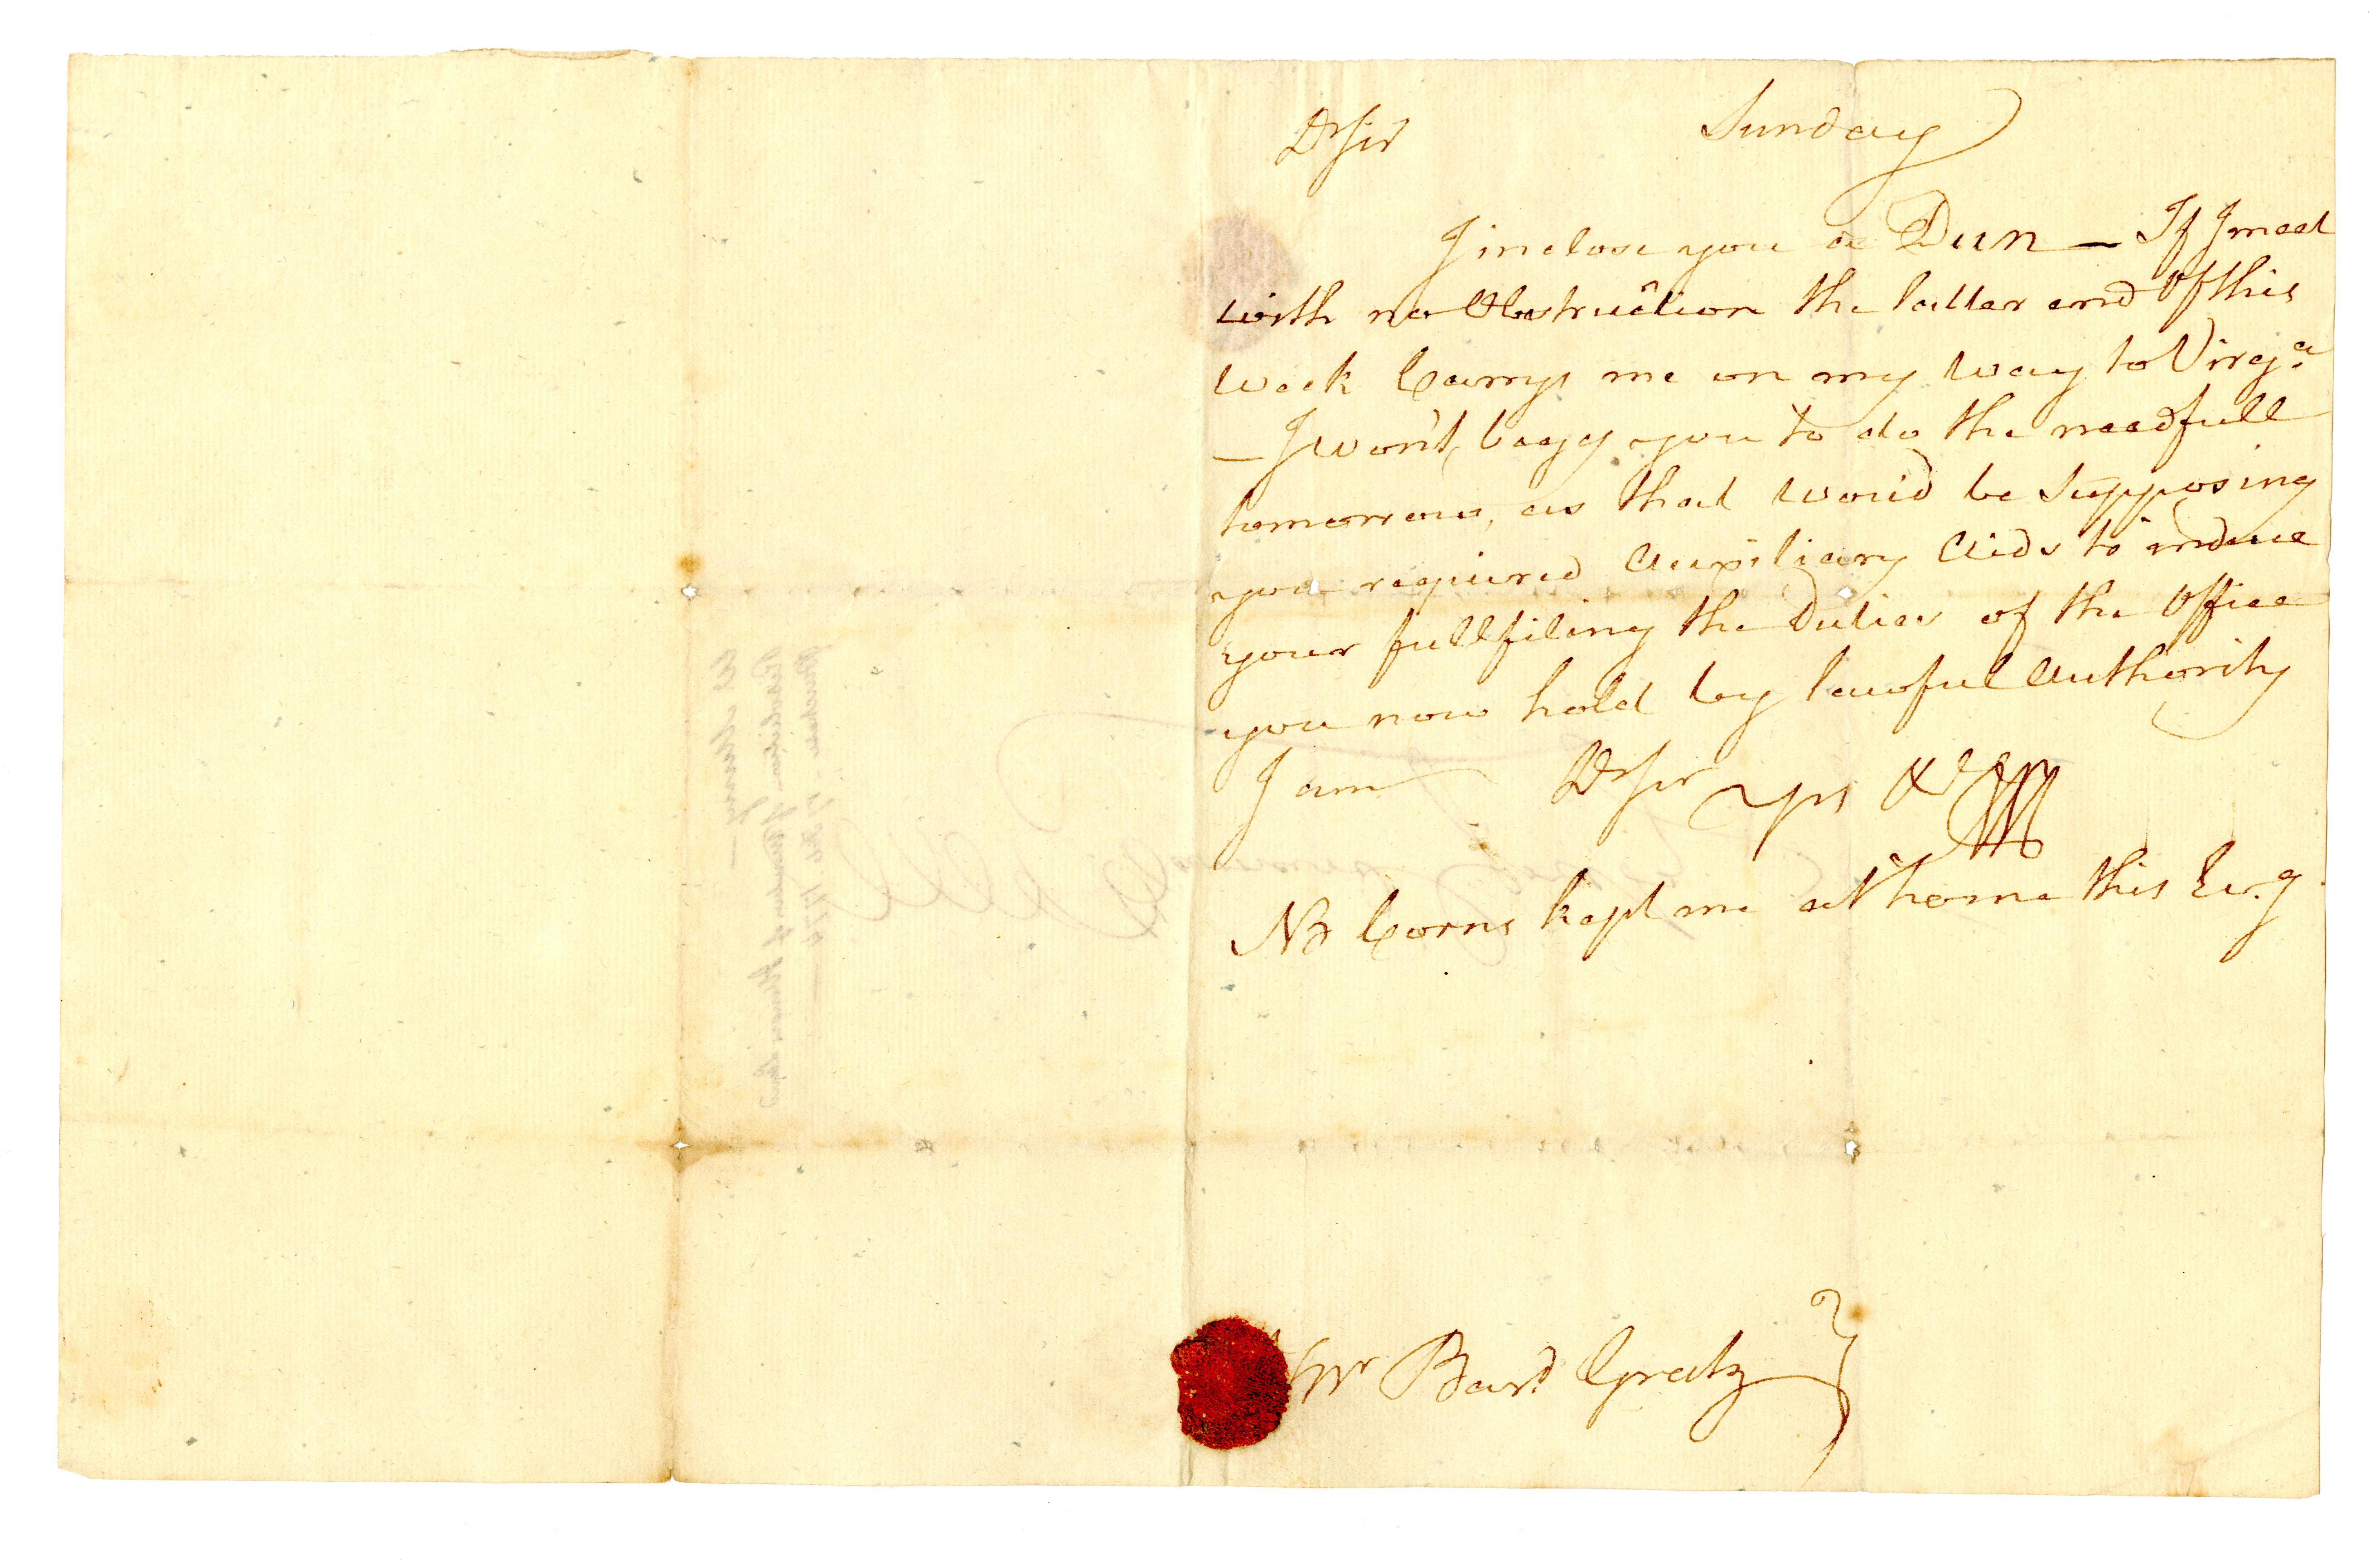Sunday
D^r Sir
I inclose you a Dun.- If I meet
with no Obstruction the Paller end of this
week Carrys me on my way to Virg^a
I won't begg you to do the needfull
tomorrow, as that wou'd be supposing
you required Auxiliary aide to induce
your fullfiling the duties of the Office
you now hold by lawful authority
I am
D^r sir Yrs WM
NB orns kept me at home this Ev^g
M^r Bar^d Gratz